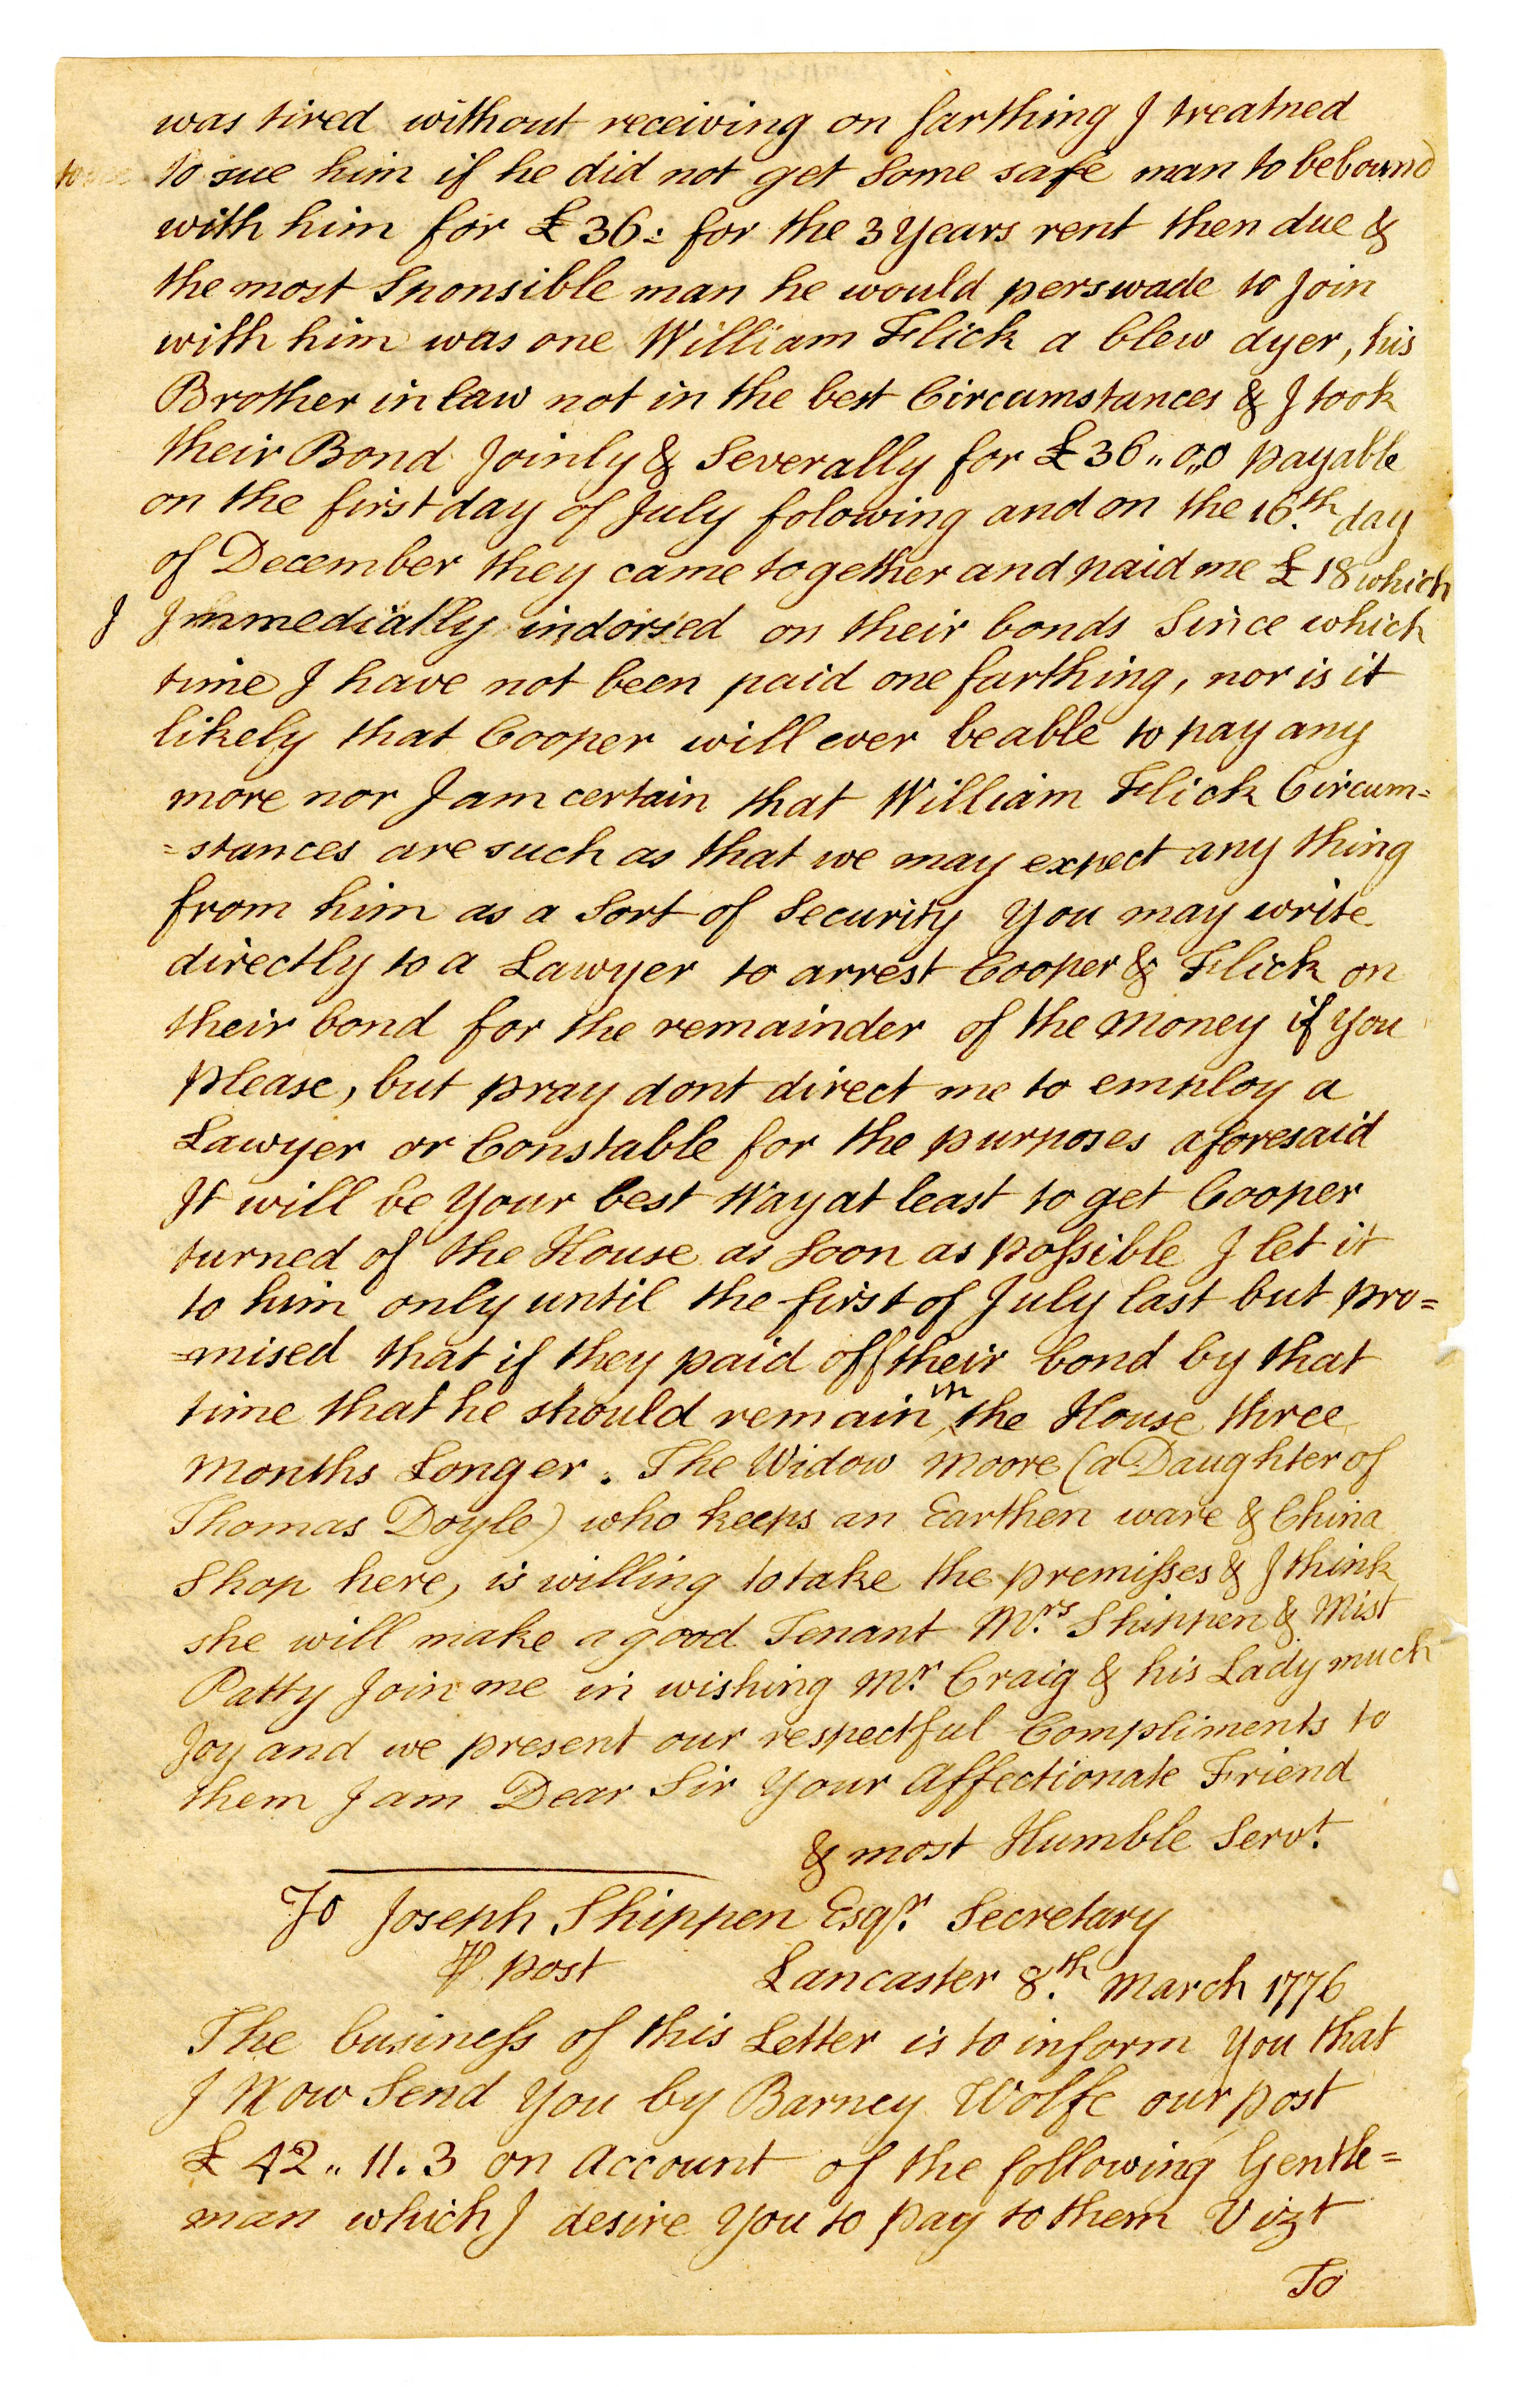was tired without receiving on farthing I treatned
to to sue him if he did not get Some safe man to be bound
with him for £36: for the 3 Years rent then due &
the most Sponsible man he would perswade to Join
with him was one William Flick a blew dyer, his
Brother in law not in the best Circumstances & I took
their Bond Joinly & Severally for £36..0..0 payable
on the first day of July folowing and on the 16^th. day
of December they came together and paid me £18 which
I Immediatly indorsed on their bonds Since which
time I have not been paid one farthing, nor is it
likely that Cooper will ever be able to pay any
more no I am certain that William Flick Circum-
-stances are such as that we may expect any thing
from him as a Sort of Security, You may write
directly to a Lawyer to arrest Cooper & Flick on
their bond for the remainder of the Money if You
Please, but pray dont direct me to employ a
Lawyer or Constable for the purposes aforesaid
It will be Your best Way at least to get Cooper
turned of the House as Soon as possible I let it
to him only until the first of July last but pro-
-mised that if they paid off their bond by that
time that he should remain ^ the House three
in
Months Longer. The Widow Moore (a Daughter of
Thomas Doyle) who keeps an Earthen ware & China
Shop here, is willing to take the premisses & I think
she will make a good Tenant M.^rs Shippen & Mist
Patty Join me in wishing M.^r Craig & his Lady much
Joy and we present our respectful Compliments to
them
I am Dear Sir Your Affectionate Friend
& most Humble Serv^t.
To Joseph Shippen Esq^r. Secretary
per Post
Lancaster 8^th. March 1776
The business of this Letter is to inform You that
I Now Send You by Barney Wolfe our post
£42..11.3 on Account of the following Gentle-
man which I desire You to pay to them Vizt
To